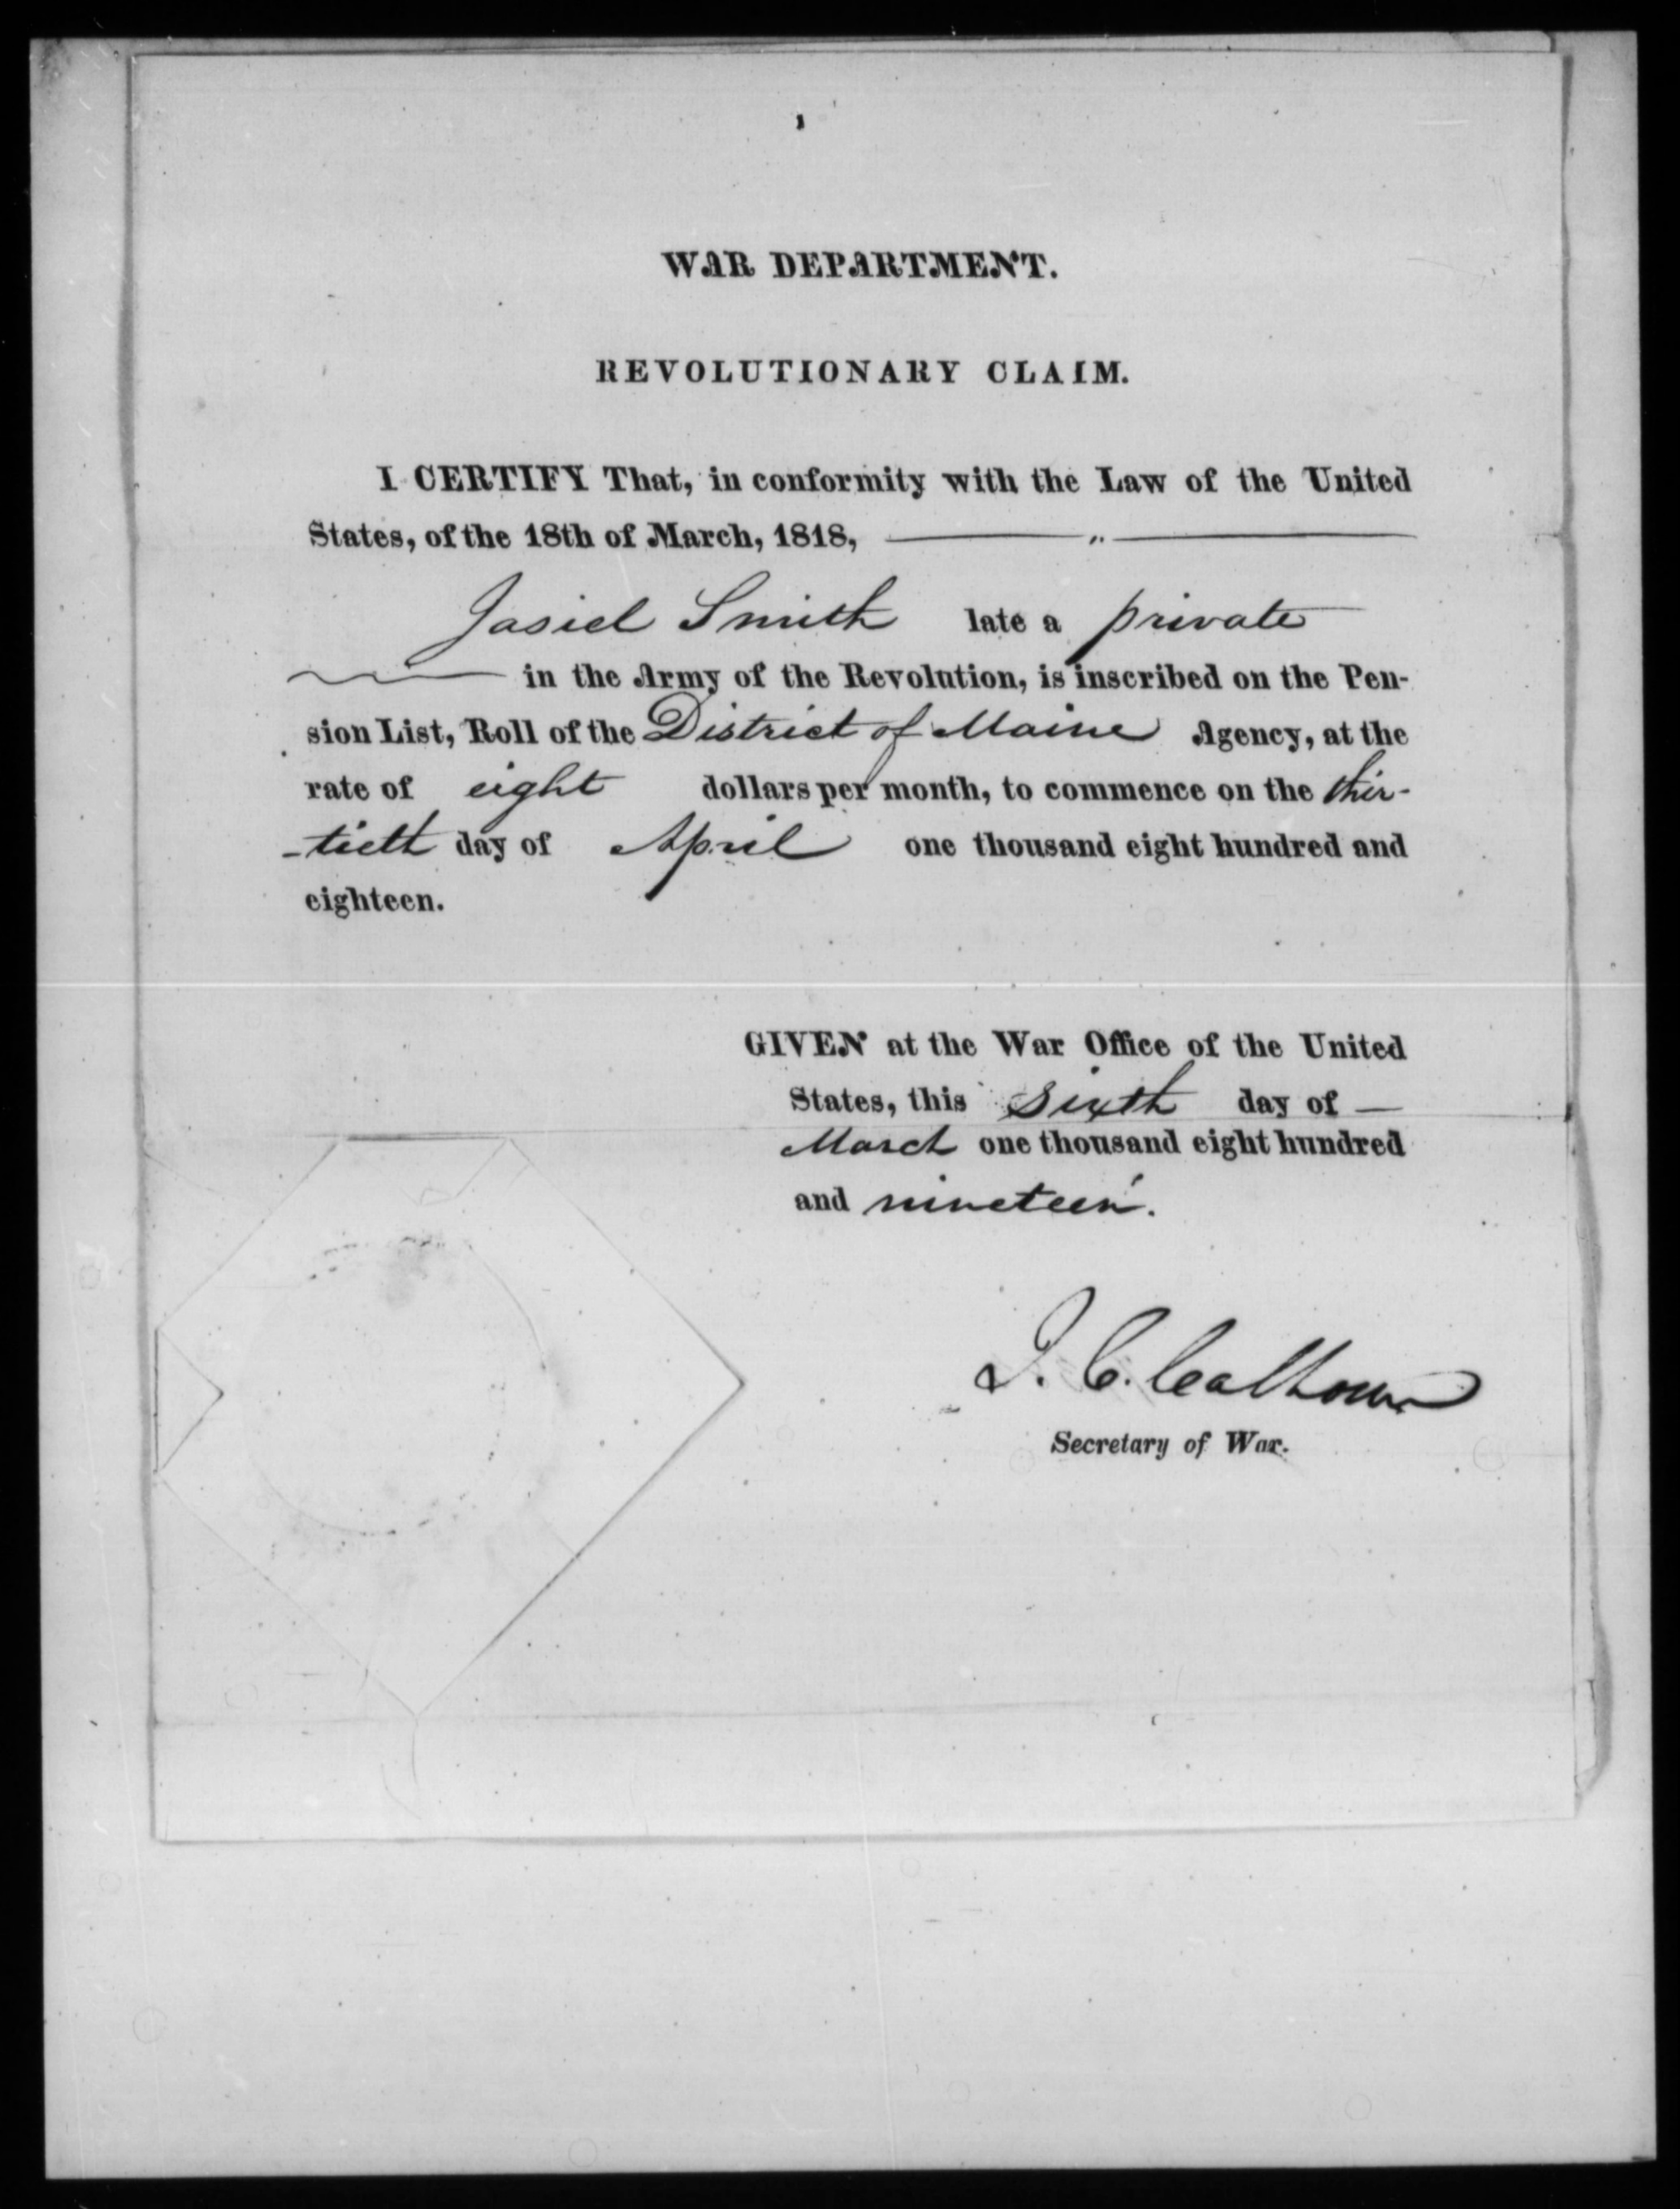Revolutionary Claim

I CERTIFY That, in conformity with the Law of the United States, of the 18th of March 1818

Jasiel Smith late a private in the Army of the Revolution, is inscribed on the Pension list, Roll of the District of Maine Agency, at the rate of eight dollars per month, to commence on the thirtieth day of April one thousand eight hundred and eighteen.

Given at the War Office of the United States, this sixth day of March one thousand eight hundred and nineteen.

J.C. Calhoun
Secretary of War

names: J C Calhoun; Jasiel Smith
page: 9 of 20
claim: widow's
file: W 2362, for Jasiel Smith, Massachusetts